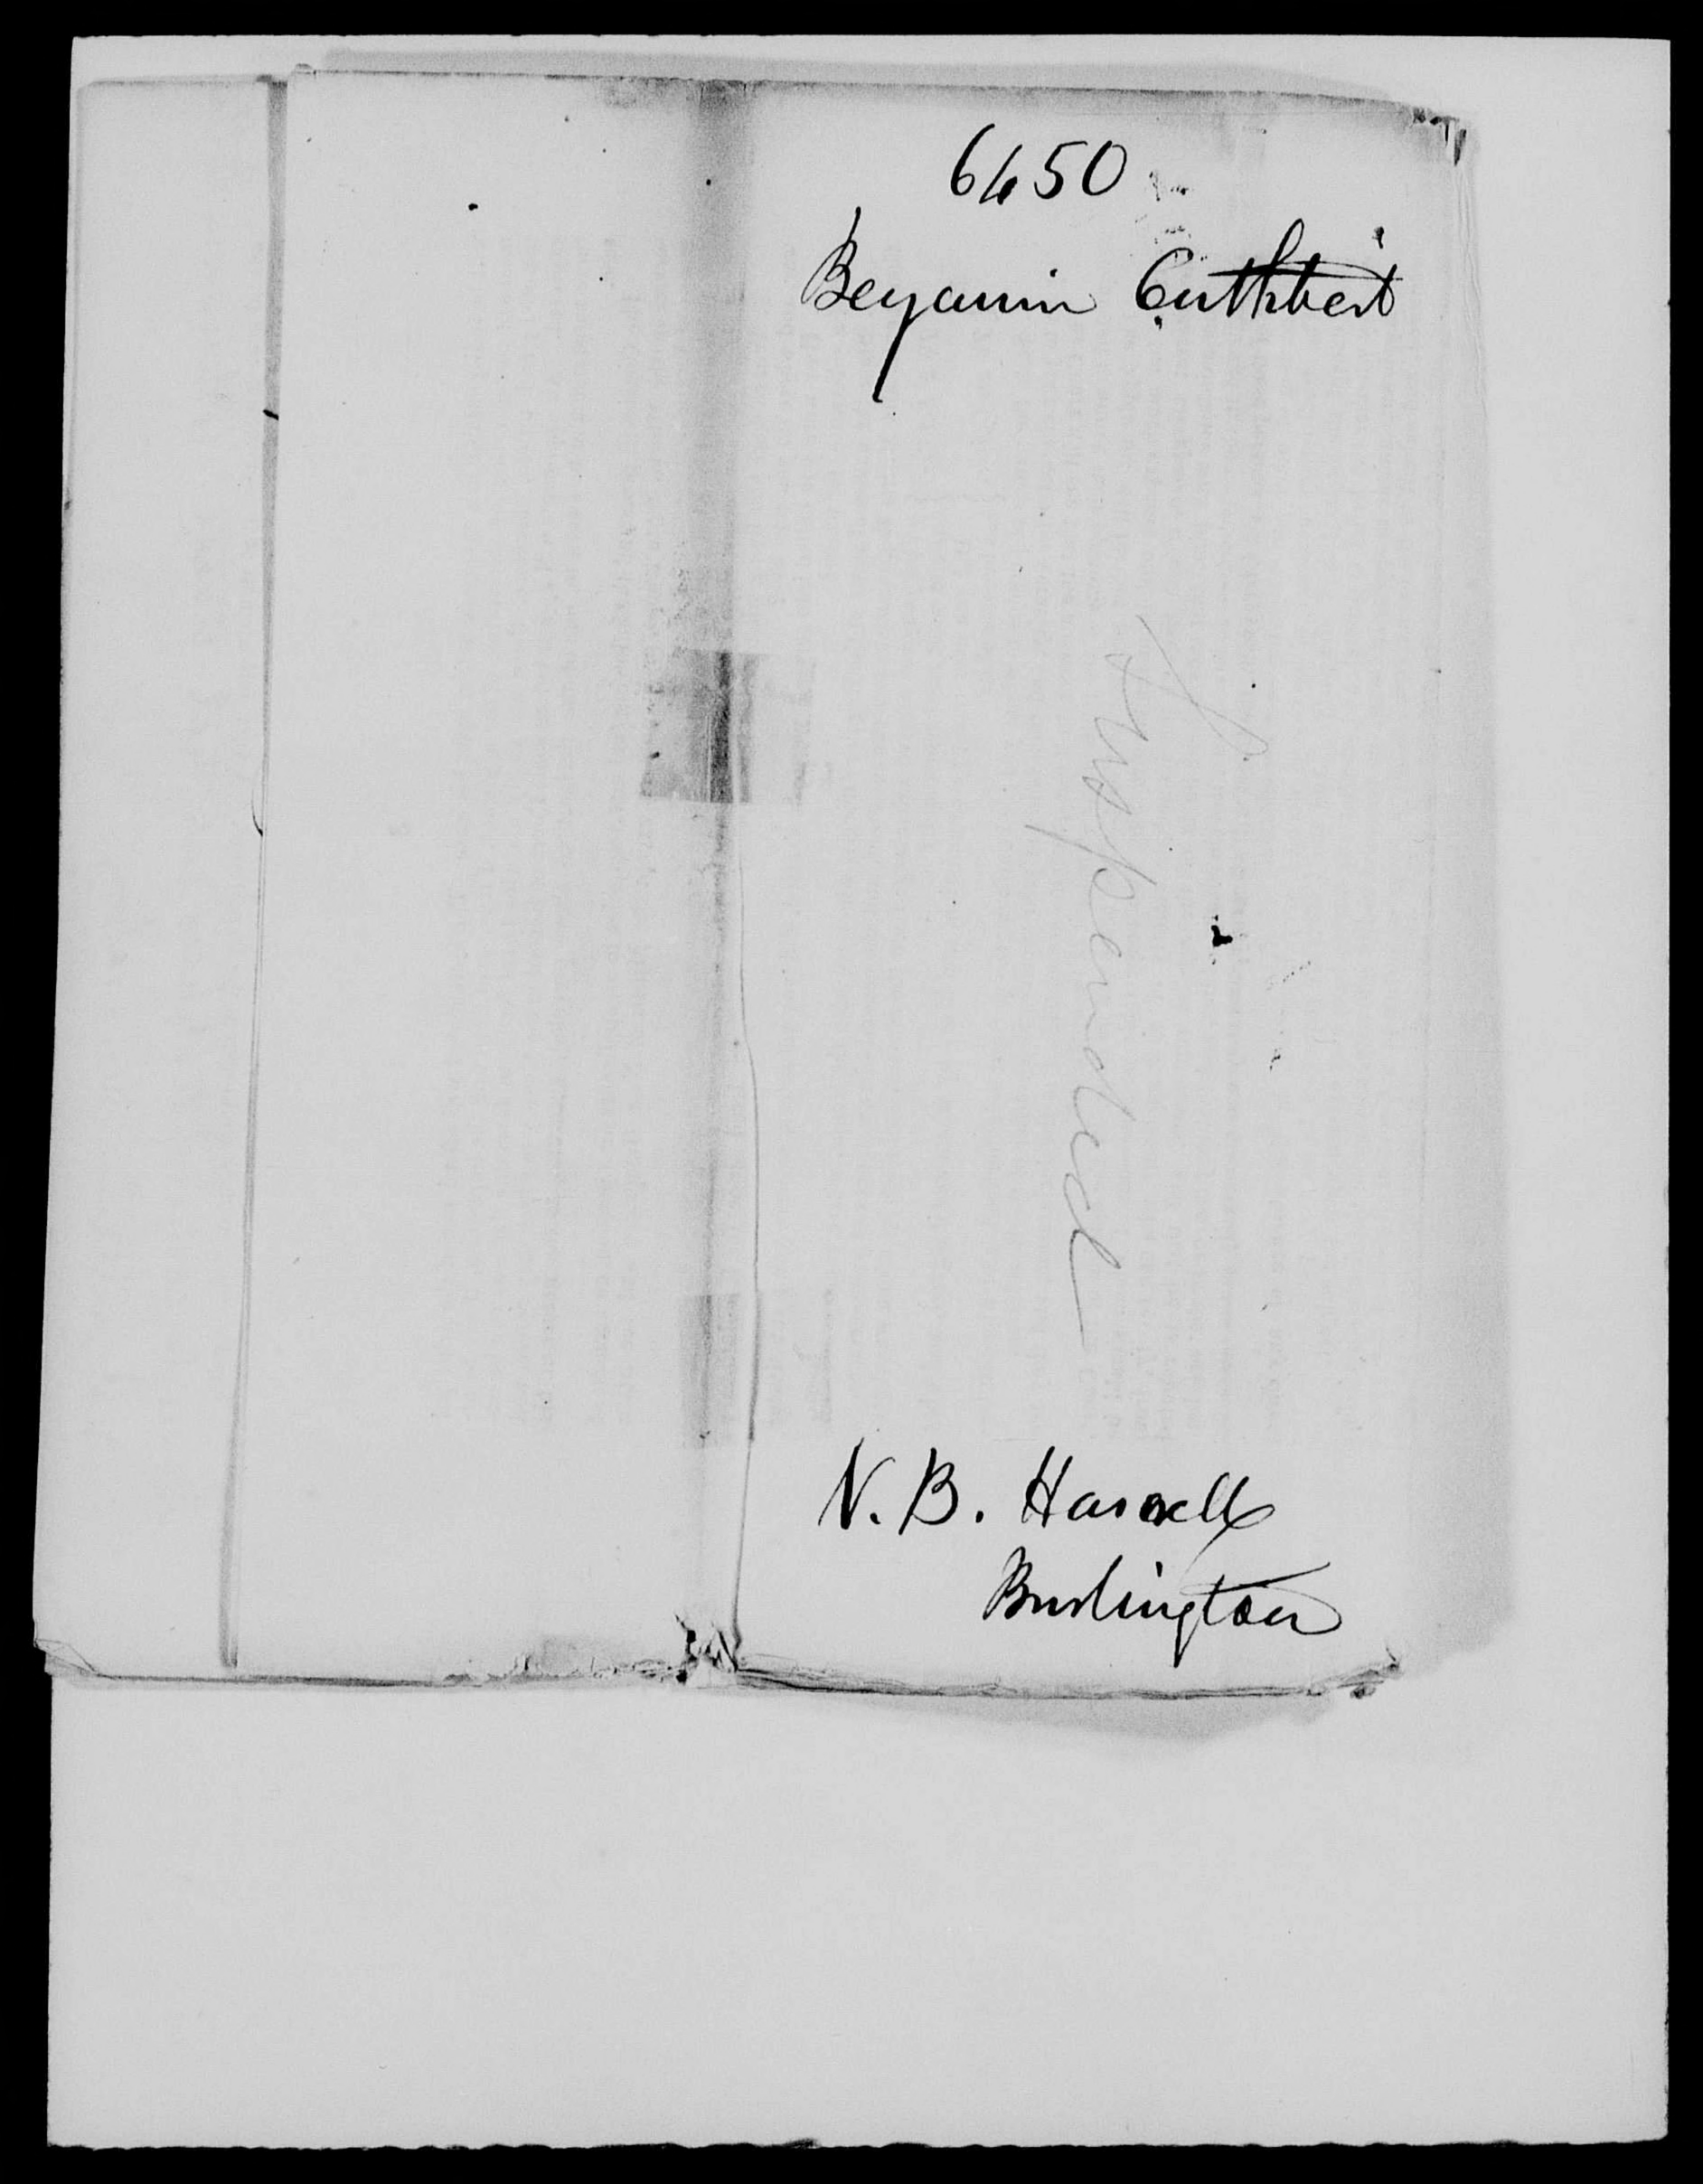6450
Benjamin Cuthbert
Suspended
N.B. Haswell
Burlington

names: N B Haswell, Benjamin Cuthbert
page: 3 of 41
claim: survivor's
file: S. 12654, Benjamin Cuthbert, Continental New York Privateer